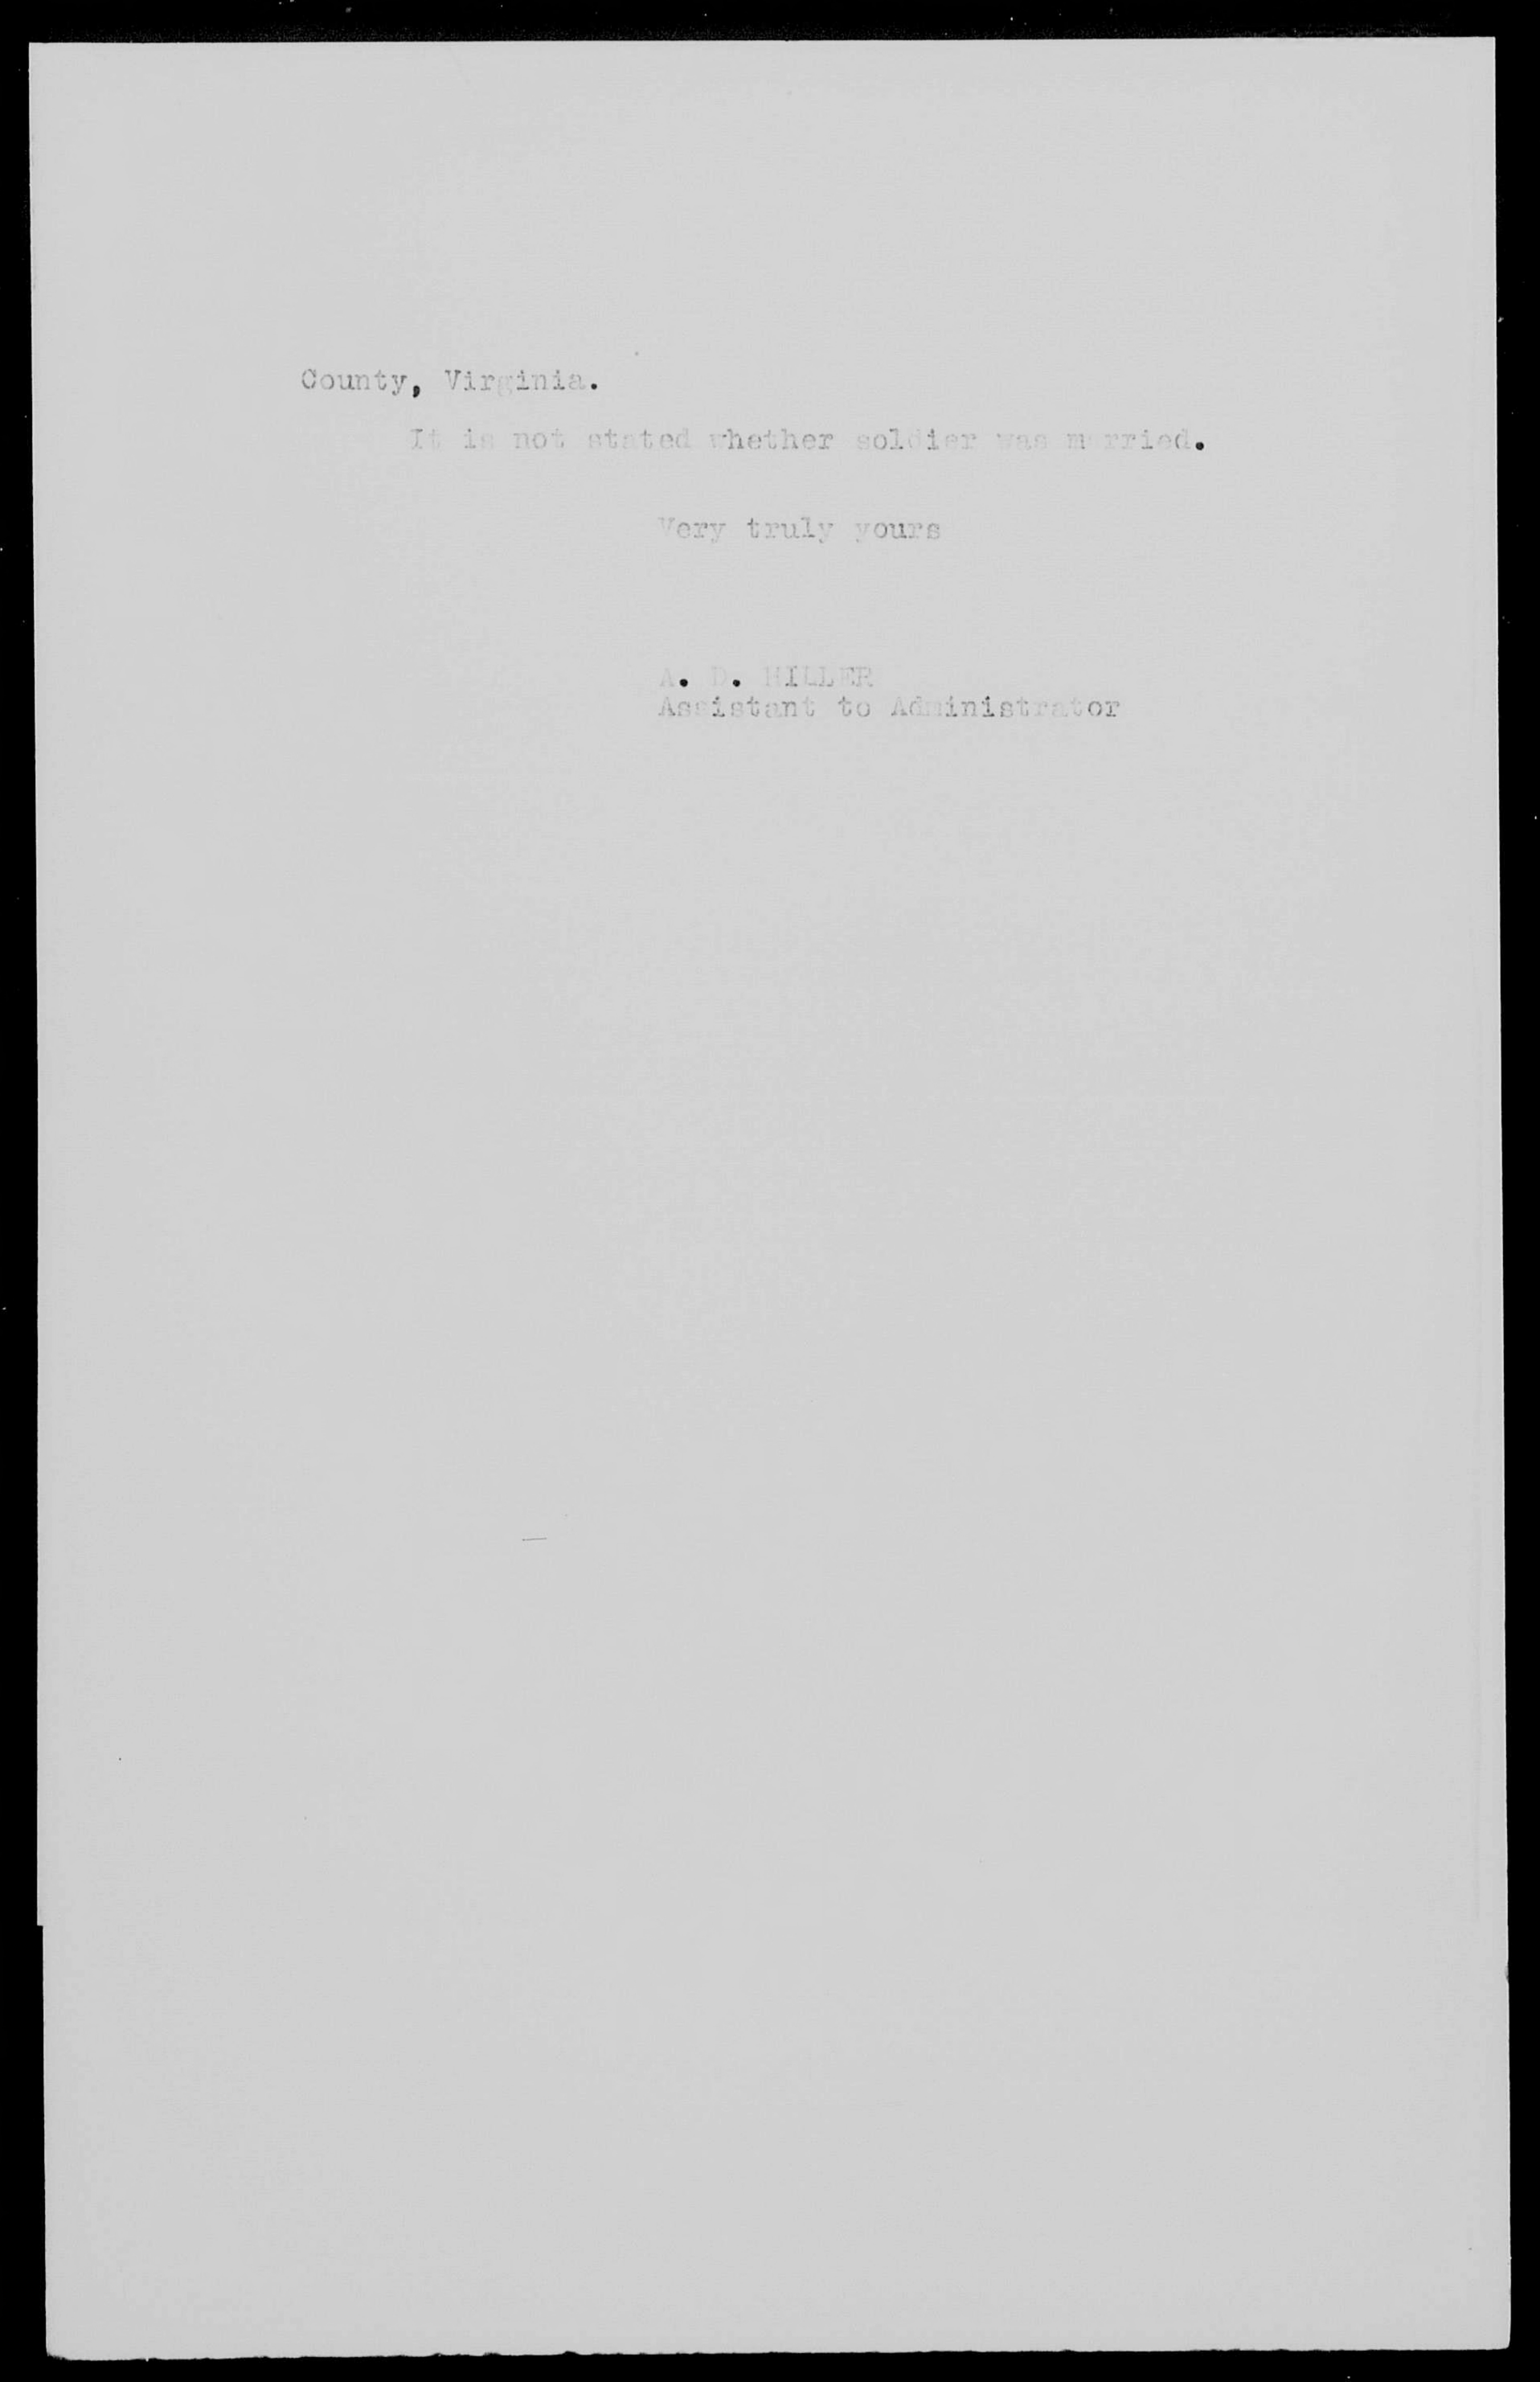County, Virginia.
   It is not stated whether soldier was married.
Very truly yours
A.D.Hille
Assistant to tAdministrator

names: A D Hiller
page: 10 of 18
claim: survivor's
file: S. 6578, Thomas Bailey, Va.